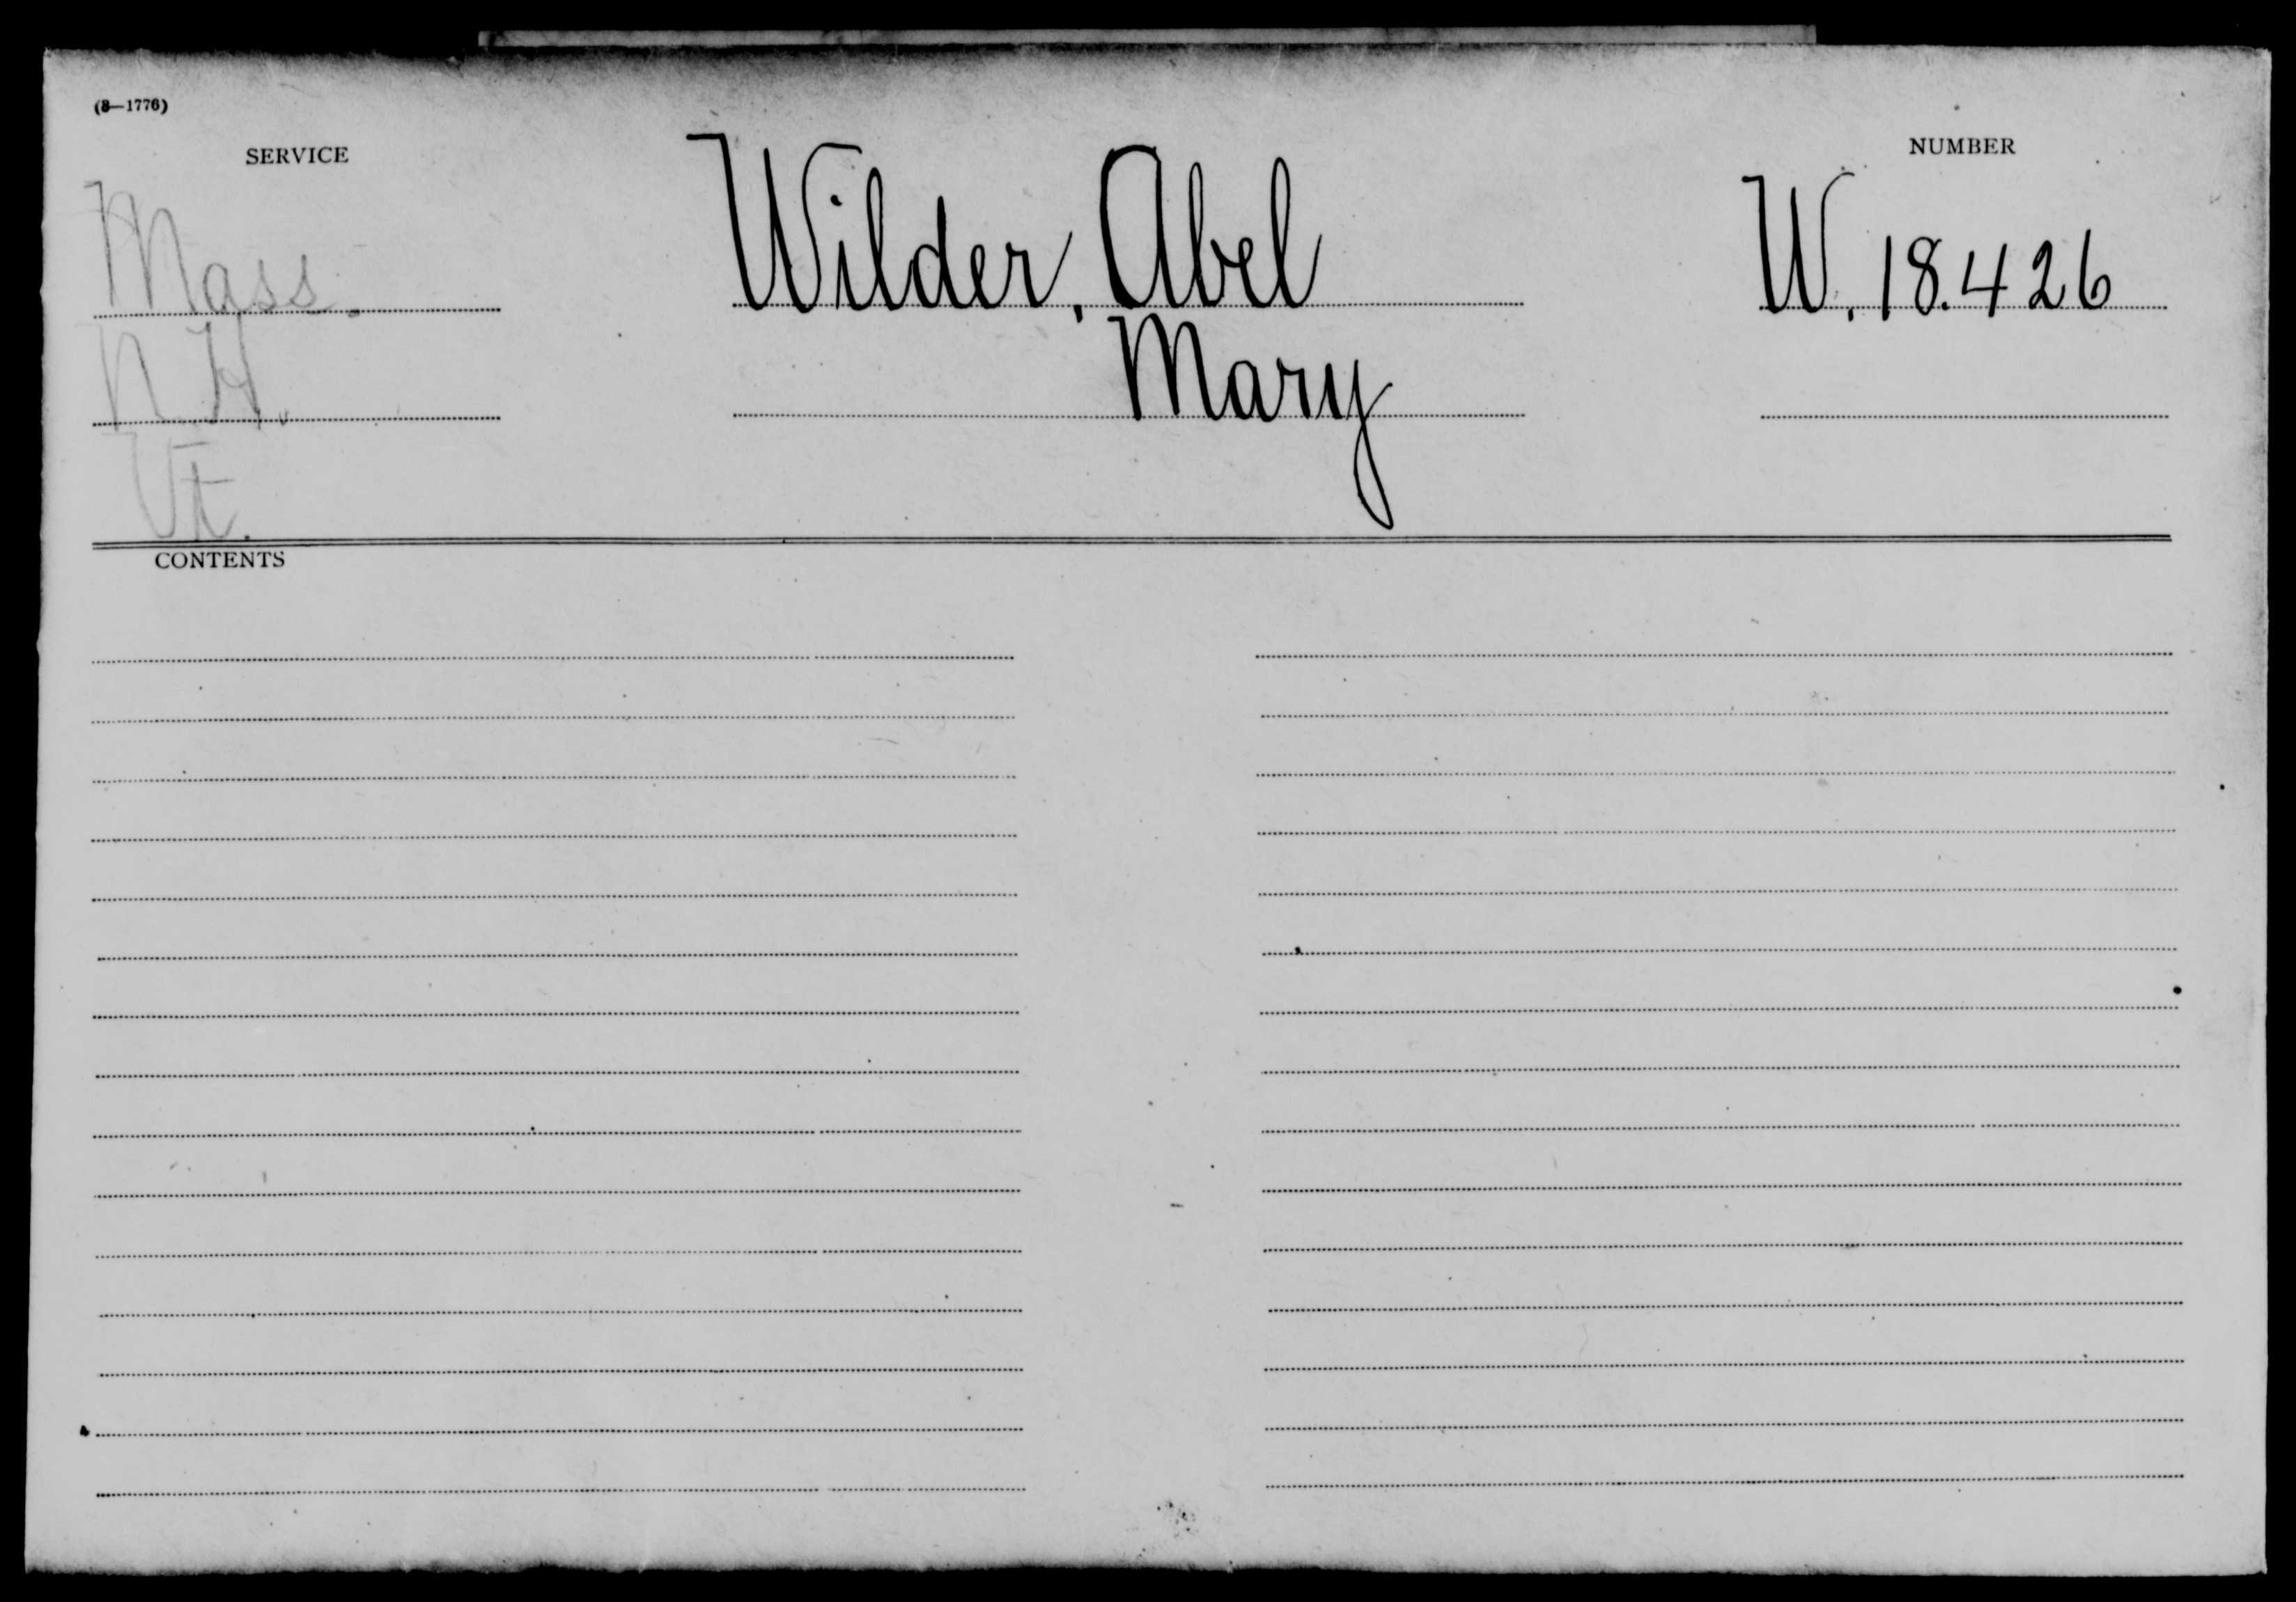Service.       Wilder, Abel                  Number
Mass.                        Mary                 W 18426
NH
Vt.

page: 1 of 40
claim: widow's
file: W. 18,426, Abel Wilder, Mass. N.H. Vt.